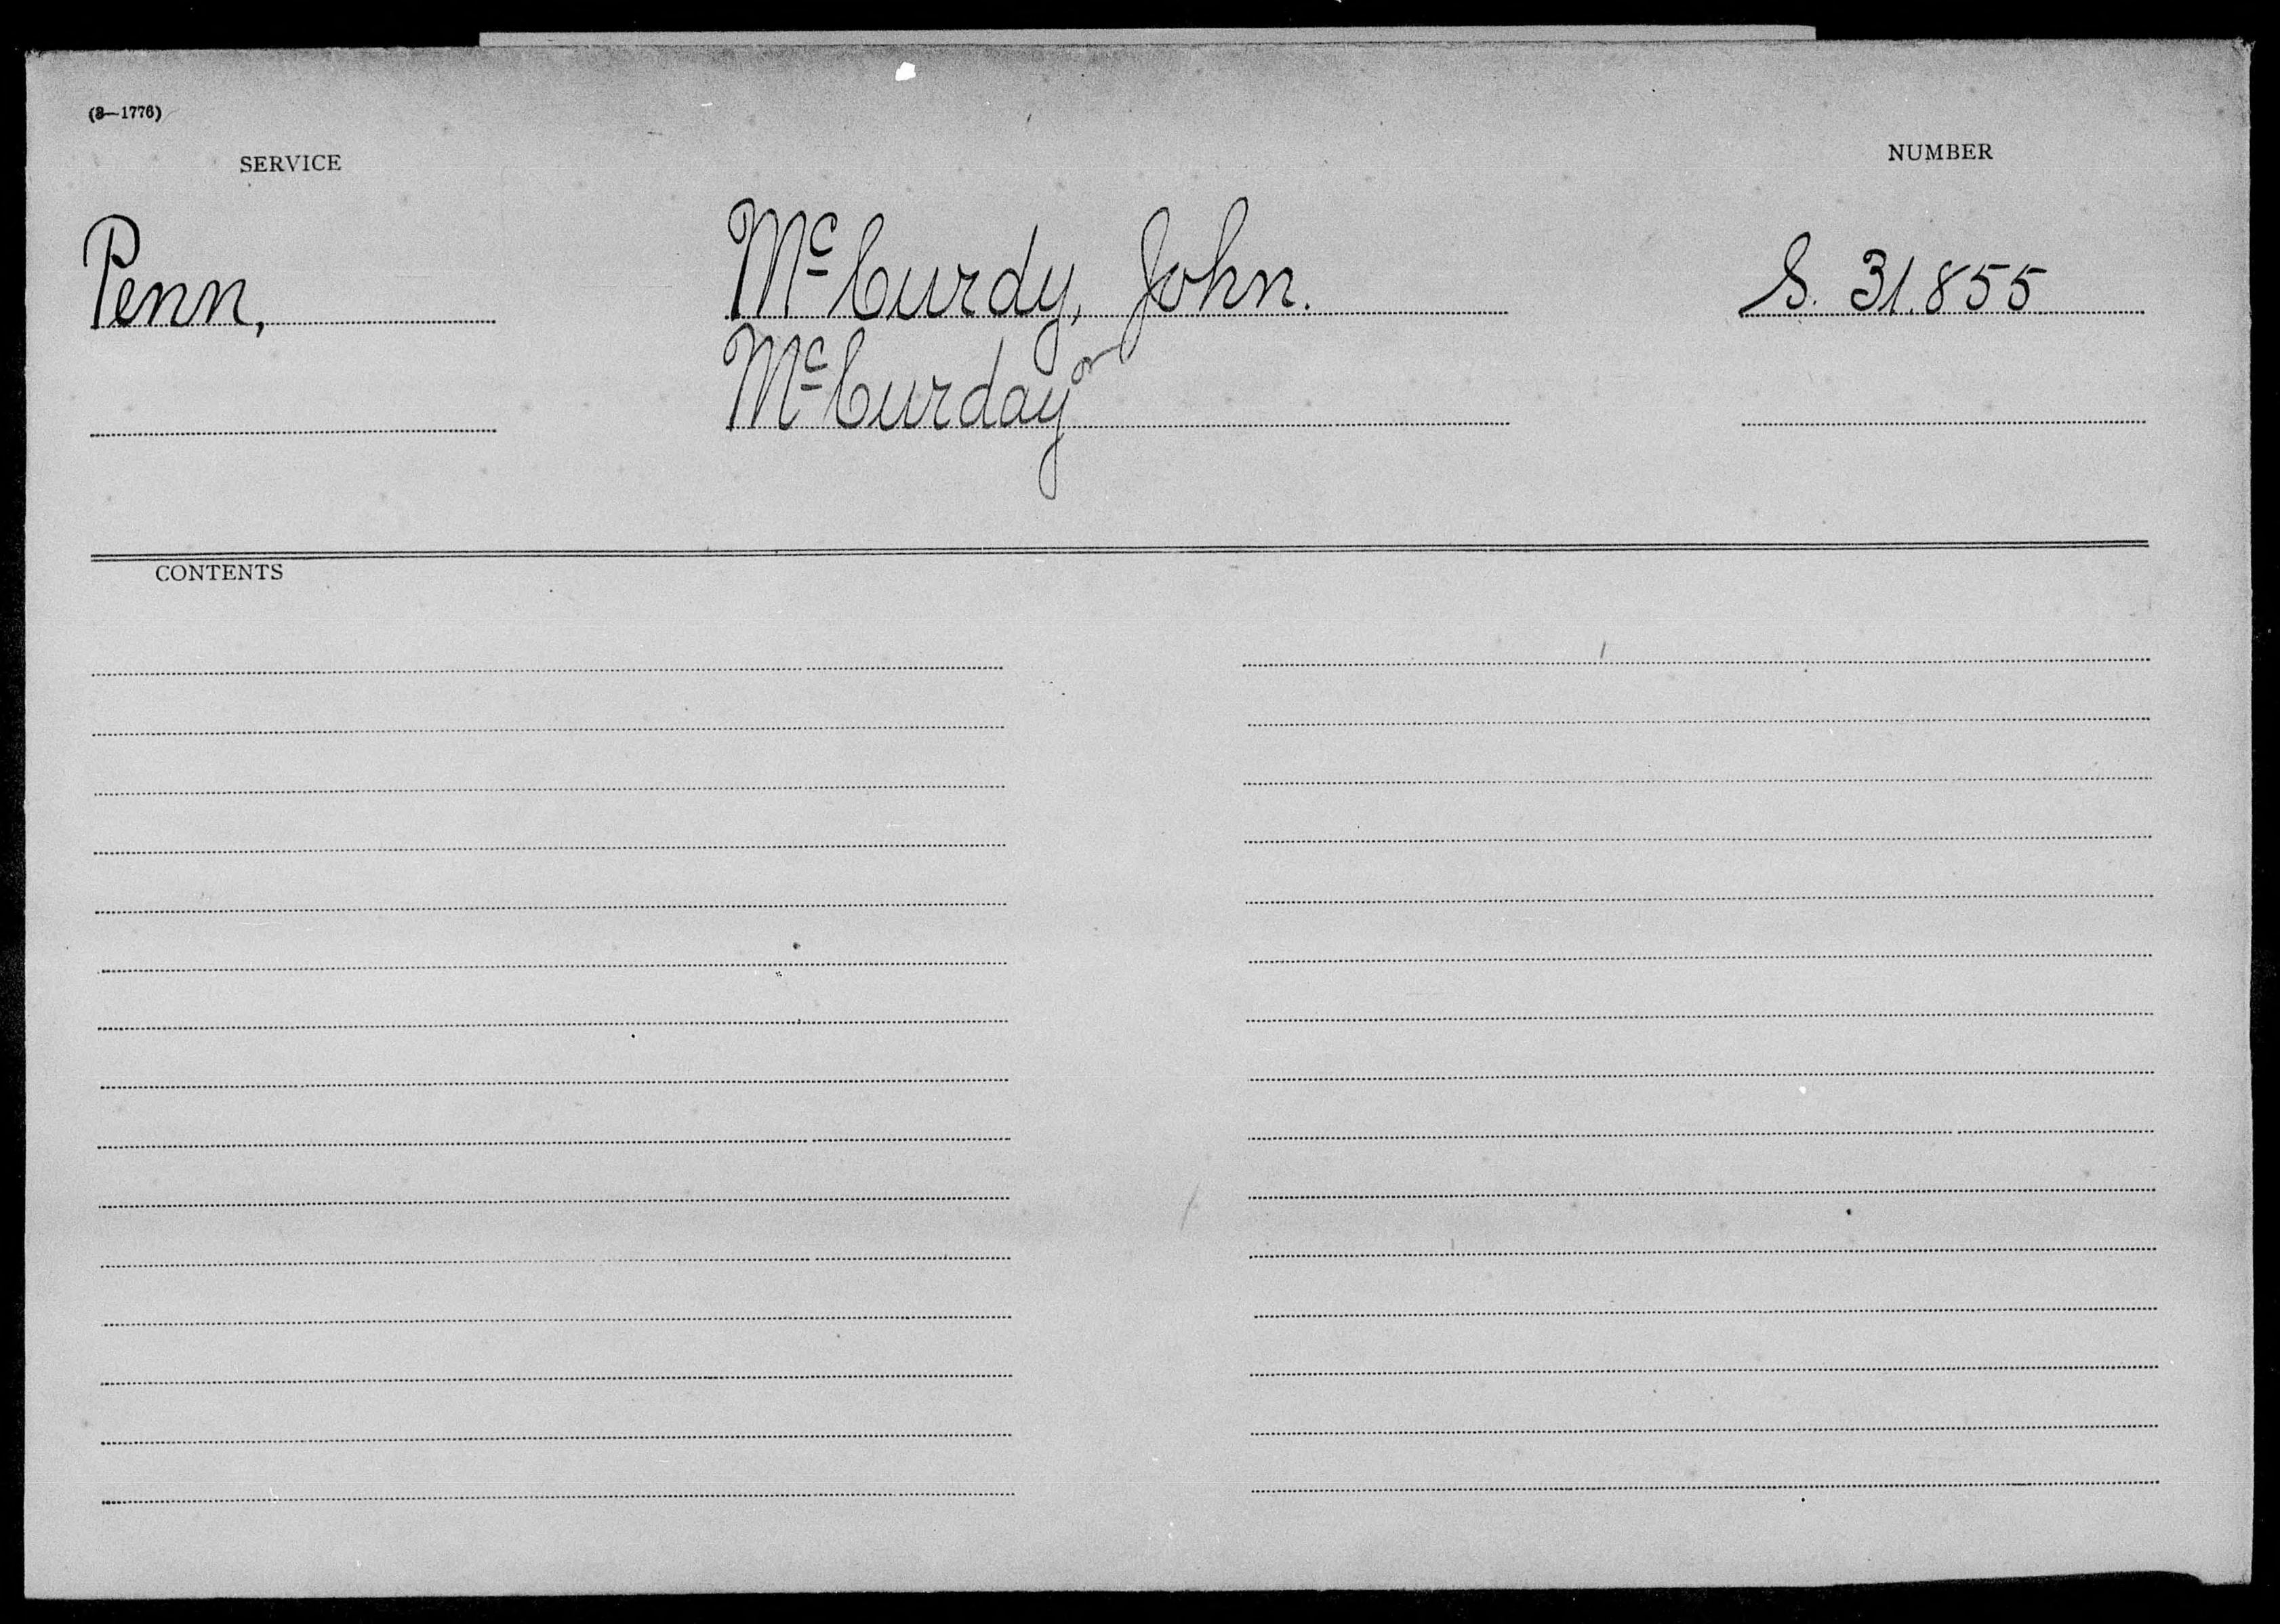Service
Penn,
McCurdy, John
Number S.31.855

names: John Mc Curday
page: 1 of 19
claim: survivor's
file: S. 31,855, for John Mc Curdy, Pennsylvania